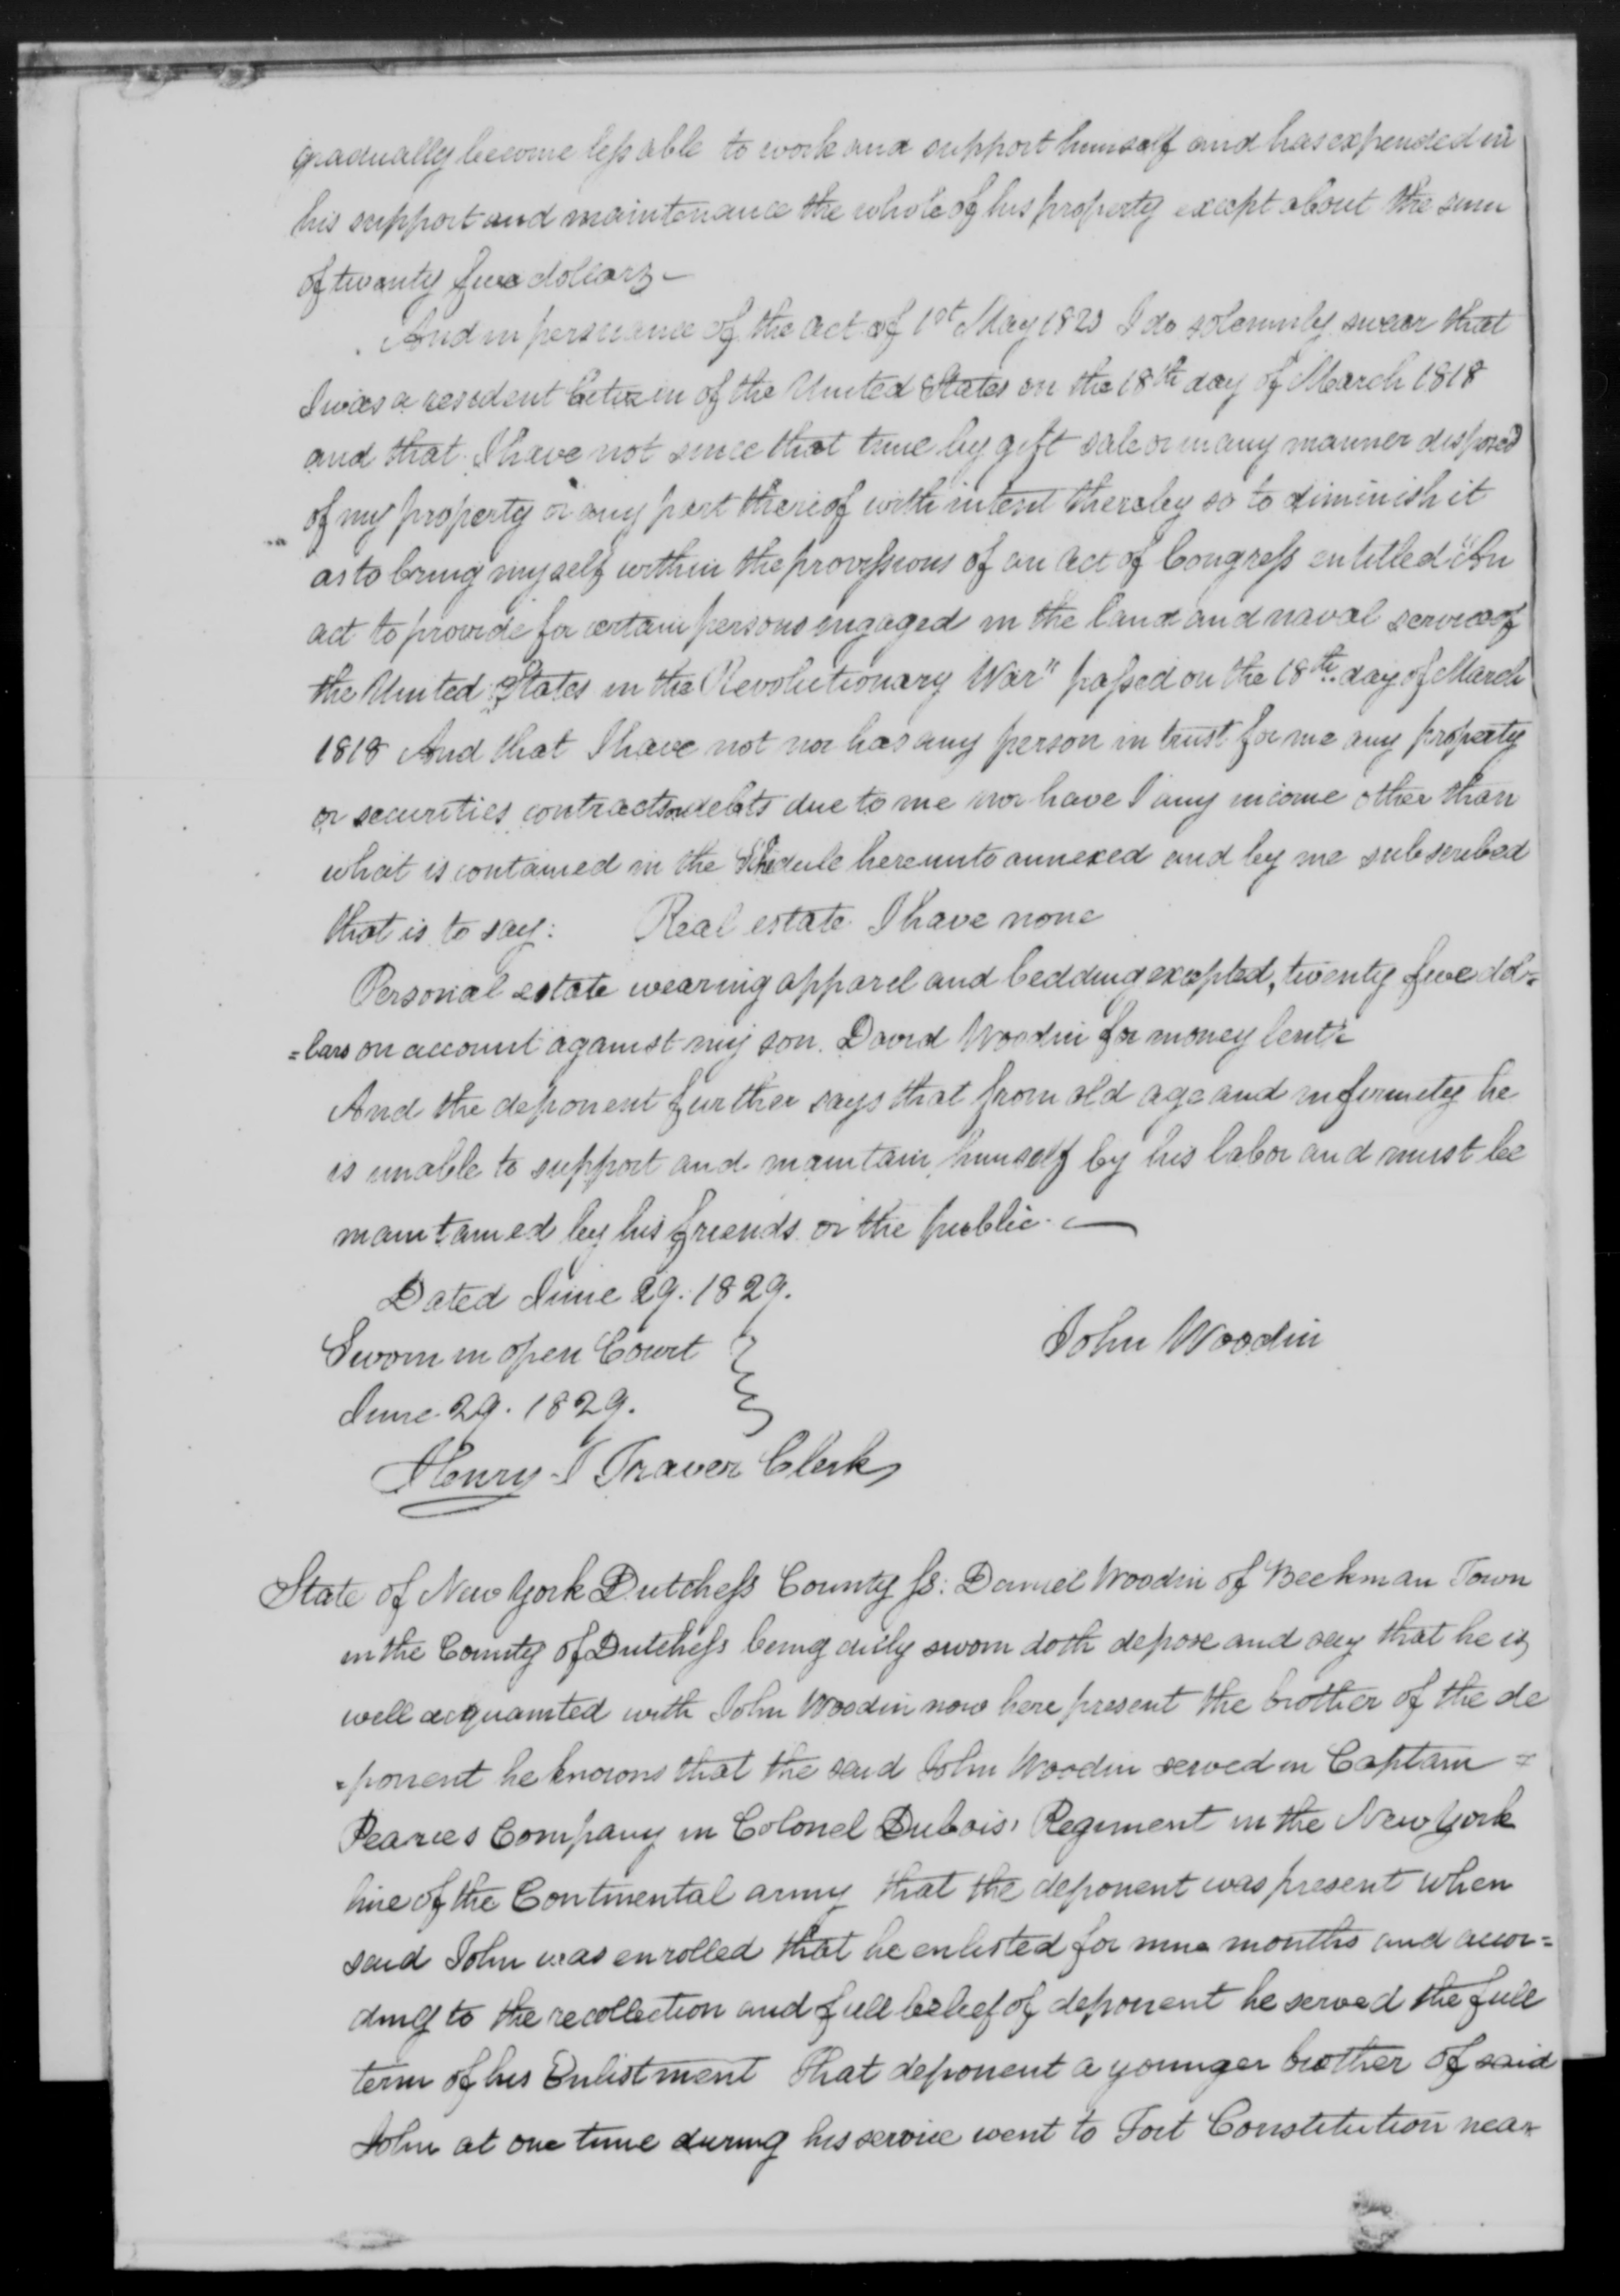gradually become less able to work and support himself and has expended in his support and maintenance the whole of his property except about the sum of twenty five dollars- 
And in persuance of the act of 1st May 1820 I do solemnly swear that I was a resident Citizen of the United States on the 18th day of March 1818 and that I have not since that time by gift sale or in any manner disposed of my property or any part thereof with intent thereby so to diminish it as to bring myself within the provissions of an act of Congress entitled “an act to provide for certain persons engaged in the land and naval service of the United States in the Revolutionary War" passed on the 18th day of March 1818 And that I have not nor has any person in trust for me any property or securities contracts or debts due to me nor have I any income other than what is contained in the Schedule hereunto annexed and by me subscribed that is to say: Real estate I have none 
Personal estate wearing apparel and bedding excepted, twenty five dollars on account against my son David Woodin for money lent 
And the deponent further says that from old age and infirmity he is unable to support and maintain himself by his labor and must be maintained by his friends or the public.
[signed] John Woodin
Dated June 29, 1829. Sworn in open Court 
June 29, 1829 
Henry Traver Clerk 

State of New York Dutchess County ss: Daniel Woodin of Beekman Town in the County of Dutchess being duly sworn doth depose and say that he is well acquainted with John Woodin now here present the brother of the deponent he knows that the said John Woodin served in Captain Pearces Company in Colonel Dubois’ Regiment in the New York line of the Continental army that the deponent was present when said John was enrolled that he enlisted for nine months and according to the recollection and full belief of deponent he served the full term of his Enlistment That deponent a younger brother of said John at one time during his service went to Fort Constitution near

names: David Woodin, Henry J Traver, John Woodin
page: 41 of 77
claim: widow's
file: W. 19658, John Woodin, New York